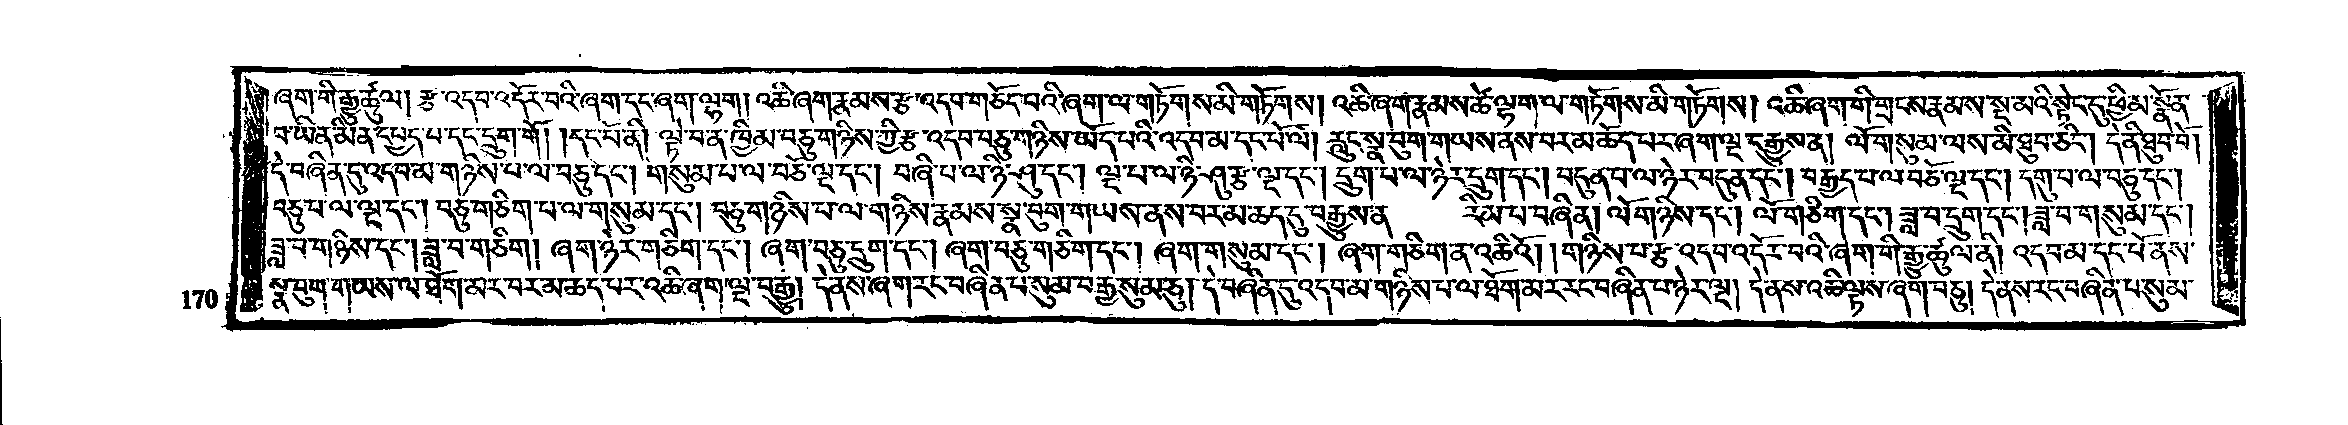ཞག་གི་རྒྱུ་ཚུལ། རྩ་འདབ་འདོར་བའི་ཞག་དང་ཞག་ལྷག །འཆི་ཞག་རྣམས་རྩ་འདབ་གཅོད་པའི་ཞག་ལ་གཏོགས་མི་གཏོགས། འཆི་ཞག་རྣམས་ཚེ་ལྷག་ལ་གཏོགས་མི་གཏོགས། འཆི་ཞག་གི་གྲངས་རྣམས་སྔ་མའི་སྟེང་དུ་ཕྱི་མ་སྣོན་
བ་ཡིན་མིན་དཔྱད་པ་དང་དྲུག་གོ ། །དང་པོ་ནི། ལྟེ་བ་ན་ཁྱིམ་བཅུ་གཉིས་ཀྱི་རྩ་འདབ་བཅུ་གཉིས་ཡོད་པའི་འདབ་མ་དང་པོ་ལ། རླུང་སྣ་བུག་གཡས་ནས་བར་མ་ཆོད་པར་ཞག་ལྔ་བརྒྱུས་ན། ལོ་གསུམ་ལས་མི་ཐུབ་ཅིང་། དེ་ནི་ཐུབ་བོ།
དེ་བཞིན་དུ་འདབ་མ་གཉིས་པ་ལ་བཅུ་དང་། གསུམ་པ་ལ་བཅོ་ལྔ་དང་། བཞི་པ་ལ་ཉི་ཤུ་དང་། ལྔ་པ་ལ་ཉི་ཤུ་རྩ་ལྔ་དང་། དྲུག་པ་ལ་ཉེར་དྲུག་དང་། བདུན་པ་ལ་ཉེར་བདུན་དང་། བརྒྱད་པ་ལ་བཅོ་ལྔ་དང་། དགུ་པ་ལ་བཅུ་དང་།
བཅུ་པ་ལ་ལྔ་དང་། བཅུ་གཅིག་པ་ལ་གསུམ་དང་། བཅུ་གཉིས་པ་ལ་གཉིས་རྣམས་སྣ་བུག་གཡས་ནས་བར་མ་ཆད་དུ་བརྒྱུས་ན་རིམ་པ་བཞིན། ལོ་གཉིས་དང་། ལོ་གཅིག་དང་། ཟླ་བ་དྲུག་དང་། ཟླ་བ་གསུམ་དང་།
ཟླ་བ་གཉིས་དང་། ཟླ་བ་གཅིག །ཞག་ཉེར་གཅིག་དང་། ཞག་བཅུ་དྲུག་དང་། ཞག་བཅུ་གཅིག་དང་། ཞག་གསུམ་དང་། ཞག་གཅིག་ན་འཆིའོ། །གཉིས་པ་རྩ་འདབ་འདོར་བའི་ཞག་གི་རྒྱུ་ཚུལ་ནི། འདབ་མ་དང་པོ་ནས་
སྣ་བུག་གཡས་ལ་ཐོག་མར་བར་མ་ཆད་པར་འཆི་ཞག་ལྔ་བརྒྱུ། དེ་ནས་ཞག་རང་བཞིན་པ་སུམ་བརྒྱ་སུམ་ཅུ། དེ་བཞིན་དུ་འདབ་མ་གཉིས་པ་ལ་ཐོག་མར་རང་བཞིན་པ་ཉེར་ལྔ། དེ་ནས་འཆི་ལྟས་ཞག་བཅུ། དེ་ནས་རང་བཞིན་པ་སུམ་